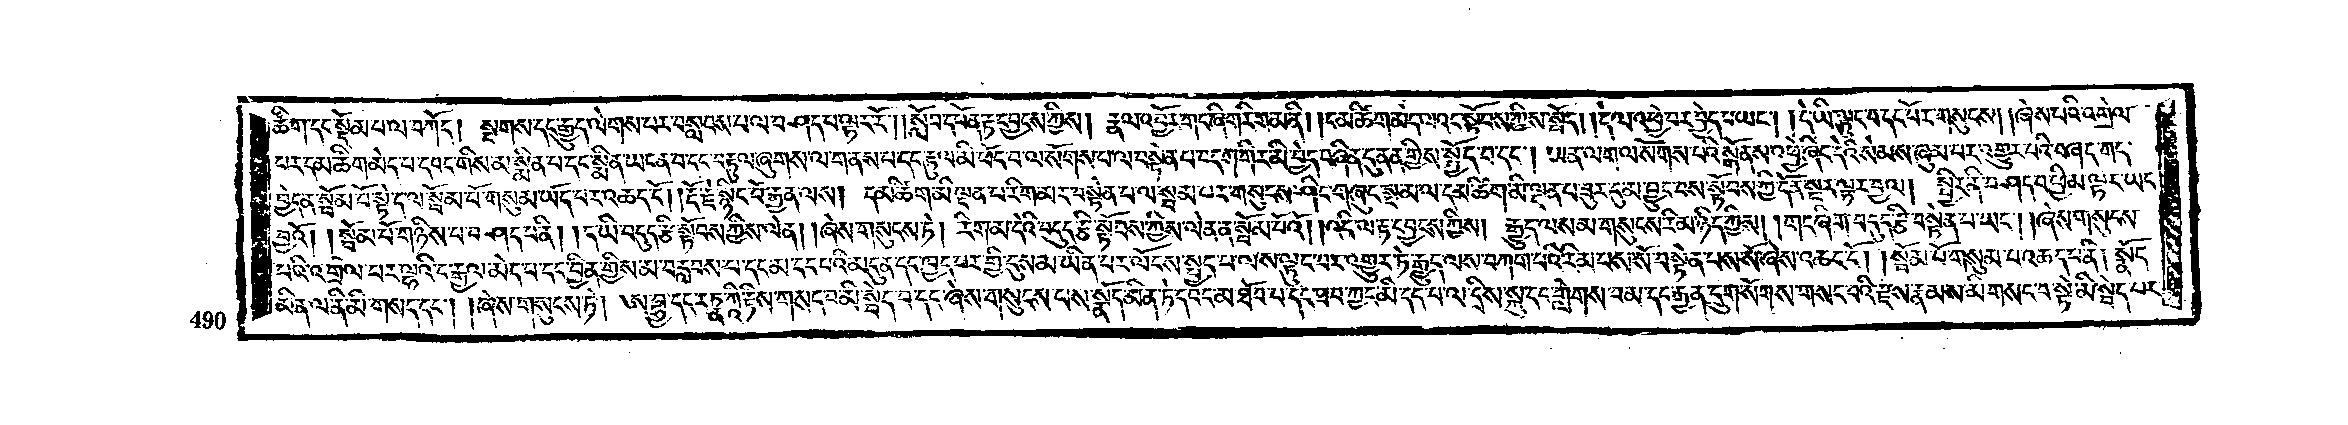ཚིག་དང་སྡོམ་པ་ལ་བཀོད། སྔགས་དང་རྒྱུད་ལེགས་པར་བསླབས་པ་ལ་བཤད་པ་ལྟར་རོ། །སློབ་དཔོན་རྟ་དབྱངས་ཀྱིས། རྣལ་འབྱོར་གང་ཞིག་རིག་མ་ནི། །དམ་ཚིག་མེད་ལའང་སྟོབས་ཀྱིས་སྤོད། །དེ་ལ་འཕྱེ་བར་བྱེད་པ་ཡང་། །དེ་ཡི་ལྟུང་བ་དང་པོར་གསུངས། །ཞེས་པའི་འགྲེལ་
པར་དམ་ཚིག་མེད་པ་དབང་གིས་མ་སྨིན་པ་དང་སྨིན་ཡང་ན་བ་དང་བརྟུལ་ཞུགས་ལ་ག་ནས་པ་དང་རྟུལ་མི་ཕོང་བ་ལ་སོགས་པ་ལ་བསྟེན་པ་བདག་གིར་མི་བྱེད་བཞིན་དུ་ནན་གྱིས་སྤྱོད་པ་དང་། ཡན་ལག་ལ་སོགས་པའི་སྒོ་ནས་འཕྱེ་ཞིང་དེའི་སེམས་ཞུམ་པར་འགྱུར་པའི་བཞད་གད་
བྱེད་ན་སྦོམ་པོ་སྟེ་དེ་ལ་སྦོམ་པོ་གསུམ་ཡོད་པར་འཆད་དོ། །རྡོ་རྗེ་སྙིང་པོ་རྒྱན་ལས། དམ་ཚིག་མི་ལྡན་པ་རིག་མར་བསྟེན་པ་ལ་སྦམ་པར་གསུངས་ཤིང་གཞུང་སྔ་མ་ལ་དམ་ཚིག་མི་ལྡན་པ་ཟུར་དུ་མ་བྱུང་བས་སྟོབས་ཀྱི་དོན་སྔར་ལྟར་བྱ་ལ། སྤྱིར་ནི་བཤད་པ་ཕྱི་མ་ལྟར་ཡང་
བྱའོ། །སྦོམ་པོ་གཉིས་པ་བཤད་པ་ནི། །དེ་ཡི་བདུད་རྩི་སྟོབས་ཀྱིས་ལེན། །ཞེས་གསུངས་ཏེ། རིག་མ་དེའི་བདུད་རྩི་སྟོབས་ཀྱིས་ལེན་ན་སྦོམ་པོའོ། །འདི་ལ་རྟ་དབྱངས་ཀྱིས། རྒྱུད་ལས་མ་གསུངས་རིམ་ཉིད་ཀྱིས། །གང་ཞིག་བདུད་རྩི་བསྟེན་པ་ཡང་། །ཞེས་གསུངས་
པའི་འགྲེལ་པར་ལྷའི་ང་རྒྱལ་མེད་པ་དང་བྱིན་གྱིས་མ་བརླབས་པ་དང་མ་དད་པའི་མདུན་དང་ཁྱད་པར་གྱི་དུས་མ་ཡིན་པར་ལོངས་སྤྱད་པ་ལས་ལྟུང་བར་འགྱུར་ཏེ་རྒྱུད་ལས་བཀག་པའི་རིམ་པས་སོ་བསྟེན་པས་སོ་ཞེས་འཆང་ངོ། །སྦོམ་པོ་གསུམ་པ་འཆད་པ་ནི། སྣོད་
མིན་ལ་ནི་མི་གསད་དང་། །ཞེས་གསུངས་ཏེ། ཨ་བྷྱ་དང་རཏྣ་ཀཱི་རྟིས་གསད་བ་མི་སྦེད་བ་དང་ཞེས་གསུངས་པས་སྣོད་མིན་ཏེ་དབང་མ་ཐོབ་པ་དང་ཐབ་ཀྱང་མི་དད་པ་ལ་དྲིས་སྐུ་དང་གླེགས་བམ་དང་རྒྱན་དྲུག་སོགས་གསང་བའི་རྫས་རྣམས་མི་གསང་བ་སྟེ་མི་སྦེད་པར་